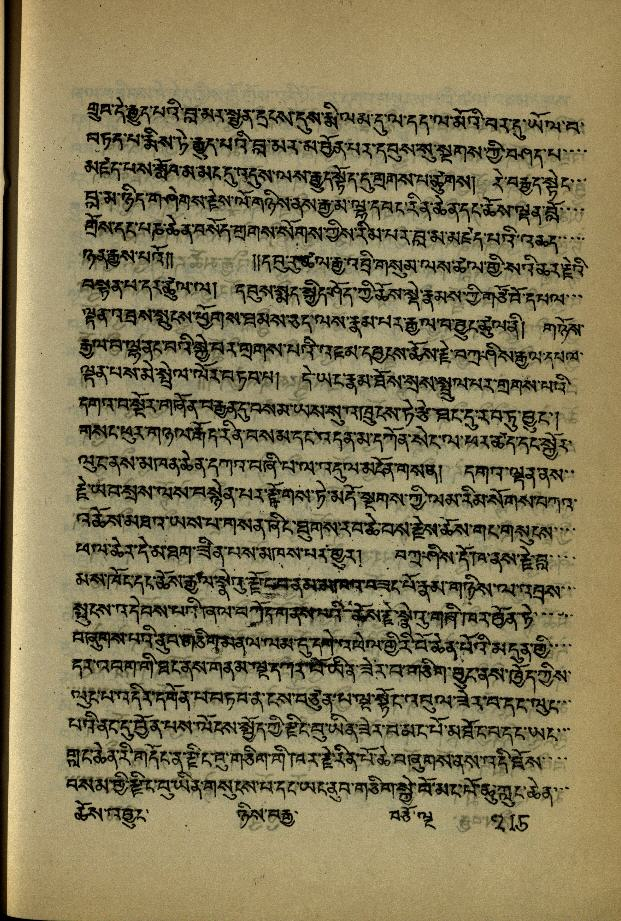གྲུབ་དེ་རྒྱུད་པའི་བླ་མར་སྤྱན་དྲངས་དུས་རྨི་ལམ་དུ་ལ་དད་ལ་མོའི་བར་དུ་ཡོལ་བ་
བཏད་པ་རྨིས་ཏེ་རྒྱུད་པའི་བླ་མར་མ་བྱོན་པར་དབུས་སུ་སྔགས་ཀྱི་བཤད་པ་
མཛད་པས་སློབ་མ་མང་དུ་འདུས་ལས་རྒྱུད་སྟོད་དུ་གྲགས་པ་ཚུགས། རེ་བརྒྱད་སྟེང་
བླ་མ་ཉིད་གཤེགས་རྗེས་ལོ་གཉིས་ནས་རྒྱ་མ་ལྷ་དབང་རིན་ཆེན་དང་ཆོས་ལྡན་བློ་
གྲོས་དང་པཎ་ཆེན་བསོད་གྲགས་སོགས་ཀྱིས་རིམ་པར་བླ་མ་མཛད་པའི་འཆད་
ཉན་རྒྱས་པའོ།། །།དབུ་རུ་ཚལ་རྒྱ་འབྲི་གསུམ་ལས་ཚལ་གྱི་སའི་ཆར་རྗེའི་
བསྟན་པ་དར་ཚུལ་ལ། དབུས་སྨད་སྐྱིད་ཤོད་ཀྱི་ཆོས་སྡེ་རྣམས་ཀྱི་གཙོ་བོ་དཔལ་
ལྡན་འབྲས་སྤུངས་ཕྱོགས་ཐམས་ཅད་ལས་རྣམ་པར་རྒྱལ་བ་བྱུང་ཚུལ་ནི། གཉོས་
རྒྱལ་བ་ལྷ་ནང་བའི་སྐྱེ་བར་གྲགས་པའི་འཇམ་དབྱངས་ཆོས་རྗེ་བཀྲ་ཤིས་རྒྱལ་དཔལ་
ལྡན་པས་མེ་སྤྲེལ་ལོར་བཏབ་པ། དེ་ཡང་རྣམ་ཐོས་སྲས་སྤྲུལ་པར་གྲགས་པའི་
དགའ་བ་སྔོར་གཞོན་བ་རྒྱན་དུ་བསམ་ཡས་སུ་འཁྲུངས་ཏེ་རྩེ་ཐང་དུ་རབ་ཏུ་བྱུང་།
གསང་ཕུར་གཉལ་རྒོད་རིན་བསམ་དང་འདན་མ་དཀོན་སེང་ལ་ཕར་ཚད་དང་སྐྱོར་
ལུང་ནས་མཁན་ཆེན་དཀའ་བཞི་པ་ལ་འདུལ་མངོན་གསན། དགའ་ལྡན་ནས་
རྗེ་ཡབ་སྲས་ལས་བསྙེན་པར་རྫོགས་ཏེ་མདོ་སྔགས་ཀྱི་ལམ་རིམ་སོགས་བཀའ་
འཆོས་མཐའ་ཡས་པ་གསན་ཞིང་ཐུགས་རབ་ཆེ་བས་རྗེས་ཆོས་གང་གསུངས་
ཕལ་ཆེར་དེ་མ་ཐག་ཟིན་པས་མཁས་པར་གྱུར། བཀྲ་ཤིས་དོ་ཁ་ནས་རྗེ་བླ་
མས་ཁོང་དང་ཆོས་རྒྱལ་སྣེའུ་རྫོང་བ་ནམ་མཁའ་བཟང་པོ་རྣམ་གཉིས་ལ་འབྲས་
སྤུངས་འདེབས་པའི་ཞལ་བཀོད་གནས་པའི་ཆོས་རྗེ་སྣེའུ་གཞི་ཁར་བྱོན་ཏེ་
བཞུགས་པའི་ནུབ་གཅིག་མནལ་ལམ་དུ་དགེ་འཕེལ་གྱི་རི་བོ་ཆེན་པོའི་མདུན་གྱི་
དར་འབག་གི་ཐང་ནས་གནམ་ལྔ་དཀར་བོ་ཡིན་ཟེར་བ་གཅིག་བྱུང་ནས་ཁྱོད་ཀྱིས་
ལུང་པ་འདིར་དགོན་པ་བཏབ་ན་ངས་བཙུན་པ་ལྔ་སྟོང་འབུལ་ཟེར་བ་དང་ལུང་
པའི་ནང་དུ་བྱོན་པས་ལོངས་སྤྱོད་ཀྱི་རྫིང་བུ་ཡིན་ཟེར་བ་མང་པོ་མཐོང་བ་དང་ཡང་
གླང་ཆེན་རི་གདོང་ན་རྫིང་བུ་གཅིག་གི་ཁར་རྗེ་རིན་པོ་ཆེ་བཞུགས་ནས་འདི་ཐོས་
བསམ་གྱི་རྫིང་བུ་ཡིན་གསུངས་པ་དང་ཡང་ནུབ་གཅིག་སྐྱེ་བོ་མང་པོ་ཆུ་ཀླུང་ཆེན་